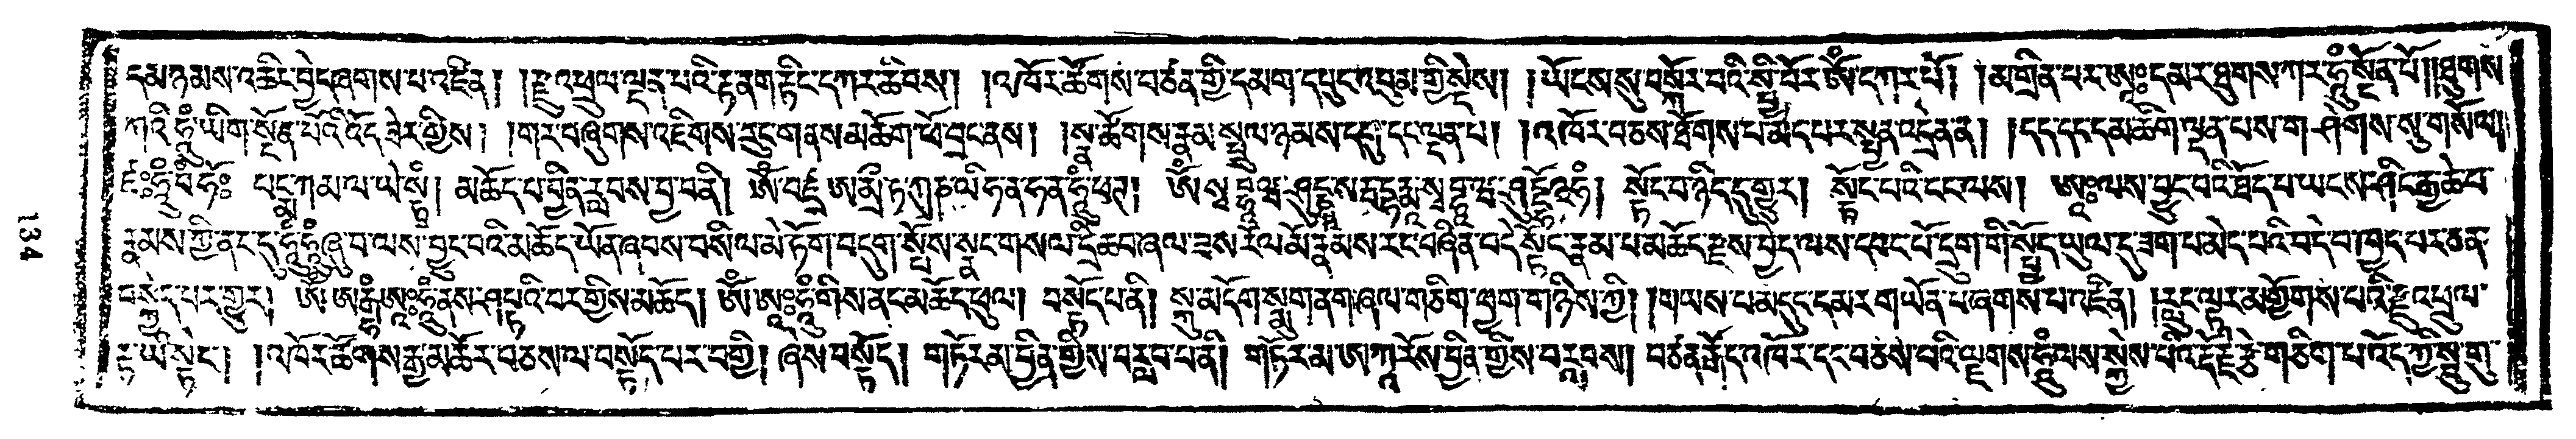དམ་ཉམས་འཆིང་བྱེད་ཞགས་པ་འཛིན། །རྫུ་འཕྲུལ་ལྡན་པའི་རྟ་ནག་རྟིང་དཀར་ཆིབས། །འཁོར་ཚོགས་བཙན་གྱི་དམག་དབུང་འབུམ་གྱི་སྡེས། །ཡོངས་སུ་བསྐོར་བའི་སྦྱི་བོར་ཨོཾ་དཀར་པོ། །མགྲིན་པར་ཨཱཿདམར་ཐུགས་ཀར་ཧཱུཾ་སྔོན་པོ། །ཐུགས་
ཀའི་ཧཱུཾ་ཡིག་སྔོན་པོའི་འོད་ཟེར་གྱིས། །གར་བཞུགས་འཇིགས་རུང་གནས་མཆོག་ཕོ་བྲང་ནས། །སྣ་ཚོགས་རྣམ་སྤྲུལ་ཉམས་དགུ་དང་ལྡན་པ། །འཁོར་བཅས་ཐོགས་པ་མེད་པར་སྤྱན་འདྲེན་ན། །དད་དང་དམ་ཚིག་ལྡན་པས་གཤེགས་སུ་གསོལ།།
ཛཿཧཱུཾ་བཾ་ཧོཿ པདམ་ཀ་མ་ལ་ཡེ་སྩྭཾ། མཆོད་པ་བྱིན་རླབས་བྱ་བ་ནི། ཨོཾ་བཛྲ་ཨ་མྲྀ་ཏ་ཀུཎ་ལ་ཧི་ན་ཧ་ན་ཧཱུཾ་ཕཊ། ཨོཾ་སྭ་བྷཱ་ཝ་ཤུདྡྷ་སརྦ་དྷརྨཱ་སྭ་བྷཱ་ཝ་ཤུདྡྷོཉྷཾ། སྟོང་པ་ཉིད་དུ་གྱུར། སྟོང་པའི་ངང་ལས། ཨཱཿལས་བྱུང་བའི་ཐོད་པ་ཡངས་ཤིང་རྒྱ་ཆེ་བ་
རྣམས་ཀྱི་ནང་དུ་ཧཱུཾ་ཧཱུཾ་ཞུ་བ་ལས་བྱུང་བའི་མཆོད་ཡོན་ཞབས་བསིལ་མེ་ཏོག་བདུག་སྦོས་སྣང་གསལ་དྲི་ཆབ་ཞལ་ཟས་རོལ་མོ་རྣམས་རང་བཞིན་བདེ་སྟོང་རྣམ་པ་མཆོད་རྫས་བྱེད་ལས་དབང་པོ་དྲུག་གི་སྤྱོད་ཡུལ་དུ་ཟག་པ་མེད་པའི་བདེ་བ་ཁྱད་པར་ཅན་
བསྐྱེད་པར་གྱུར། ཨོཾ་ཨརྒྷཾ་ཨཱཿཧཱུཾ་ནས་ཤྤཏའི་བར་གྱིས་མཆོད། ཨོཾ་ཨཱཿཧཱུཾ་གིས་ནང་མཆོད་ཕུལ། བསྟོད་པ་ནི། སྐུ་མདོག་སྨུག་ནག་ཞལ་གཅིག་ཕྱག་གཉིས་ཀྱི། །གཡས་བ་མདུང་དམར་གཡོན་པ་ཞགས་པ་འཛིན། །རླུང་ལྟར་མགྱོགས་པའི་རྫུ་འཕྲུལ་
རྟ་ཡི་སྟེང་། །འཁོར་ཚོགས་རྒྱ་མཚོར་བཅས་ལ་བསྟོད་པར་བགྱི། ཞེས་བསྟོད། གཏོར་མ་བྱིན་གྱིས་བརླབ་པ་ནི། གཏོར་མ་ཨཀཱ་རོས་བྱིན་གྱིས་བརླབས། བཙན་རྒོད་འཁོར་དང་བཅས་པའི་ལྗགས་ཧཱུཾ་ལས་སྐྱེས་པའི་རྡོ་རྗེ་རྩེ་གཅིག་པ་འོད་ཀྱི་སྦུ་གུ་